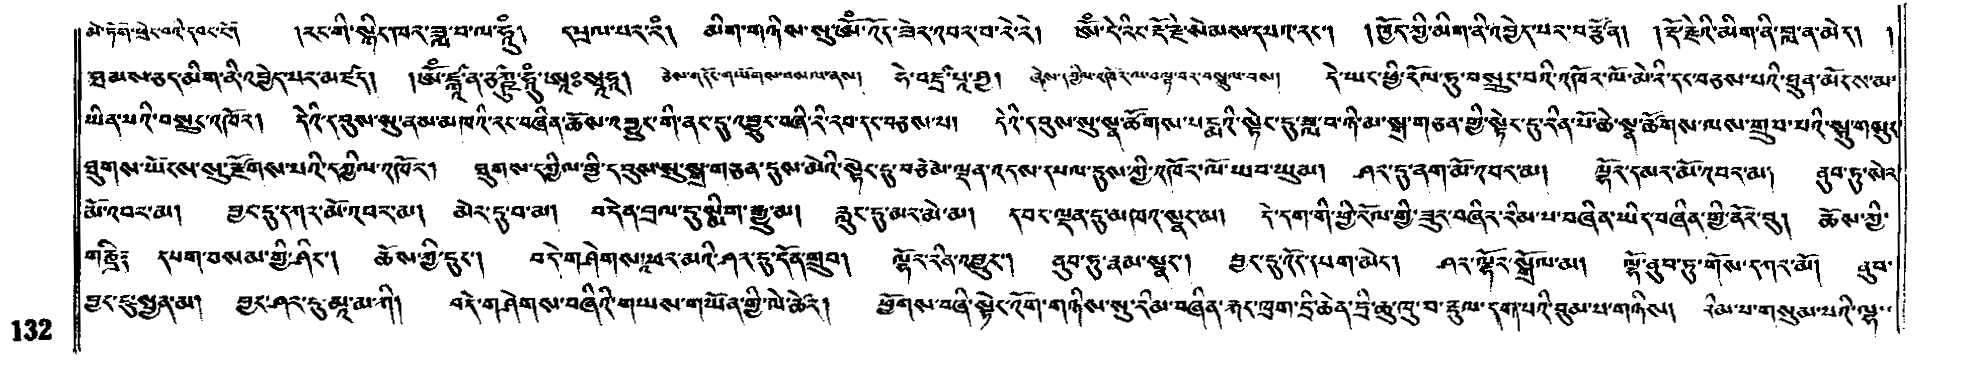མེ་ཏོག་ཕྲེང་བའི་དབང་ངོ། །རང་གི་སྙིང་ཁར་ཟླ་བ་ལ་ཧཱུཾ། དཔྲལ་པར་རཾ། མིག་གཉིས་སུ་ཨོཾ་འོད་ཟེར་འབར་བ་རེ་རེ། ཨོཾ་དེ་རིང་རྡོ་རྗེ་སེམས་དཔའ་རང་། །ཁྱོད་ཀྱི་མིག་ནི་འབྱེད་པར་བརྩོན། །རྡོ་རྗེའི་མིག་ནི་བླ་ན་མེད། །
ཐམས་ཅད་མིག་ནི་འབྱེད་པར་མཛད། །ཨོཾ་ཛྙཱ་ན་ཙཀྵུ་ཧཱུཾ་ཨཱཿ སྭཱཧཱ། ཅེས་གདོང་གཡོགས་བསལ་ནས།  ཧེ་བཛྲ་པཱ་ཤྱ། ཞེས་དཀྱིལ་འཁོར་ལ་བལྟ་བར་བསྐུལ་བས།  དེ་ཡང་ཕྱི་རོལ་ཏུ་བསྲུང་བའི་འཁོར་ལོ་མེ་རི་དང་བཅས་པའི་ཐུན་མོངས་མ་
ཡིན་པའི་བསྲུང་འཁོར། དེའི་དབུས་སུ་ནམ་མཁའི་རང་བཞིན་ཆོས་འབྱུང་གི་ནང་དུ་འབྱུང་བཞི་རི་རབ་དང་བཅས་པ། དེའི་དབུས་སུ་སྣ་ཚོགས་པདམའི་སྟེང་དུ་ཟླ་བ་ཉི་མ་སྒྲ་གཅན་གྱི་སྟེང་དུ་རིན་པོ་ཆེ་སྣ་ཚོགས་ལས་གྲུབ་པའི་སྐུ་གསུང་
ཐུགས་ཡོངས་སུ་རྫོགས་པའི་དཀྱིལ་འཁོར། ཐུགས་དཀྱིལ་གྱི་དབུས་སུ་སྒྲ་གཅན་དུས་མེའི་སྟེང་དུ་བཅོམ་ལྡན་འདས་དཔལ་དུས་ཀྱི་འཁོར་ལོ་ཡབ་ཡུམ། ཤར་དུ་ནག་མོ་འབར་མ། ལྷོར་དམར་མོ་འབར་མ། ནུབ་ཏུ་སེར་
མོ་འབར་མ། བྱང་དུ་དཀར་མོ་འབར་མ། མེར་དུ་བ་མ། བདེན་བྲལ་དུ་སྨིག་རྒྱུ་མ། རླུང་དུ་མར་མེ་མ། དབང་ལྡན་དུ་མཁའ་སྣང་མ། དེ་དག་གི་ཕྱི་རོལ་གྱི་ཟུར་བཞིར་རིམ་པ་བཞིན་ཡིད་བཞིན་གྱི་ནོར་བུ། ཆོས་ཀྱི་
གཎྜི༑ དཔག་བསམ་གྱི་ཤིང་། ཆོས་ཀྱི་དུང་། བདེ་གཤེགས་འཕར་མའི་ཤར་དུ་དོན་གྲུབ། ལྷོར་རིན་འབྱུང་། ནུབ་ཏུ་རྣམ་སྣང་། བྱང་དུ་འོད་དཔག་མེད། ཤར་ལྷོར་སྒྲོལ་མ། ལྷོ་ནུབ་ཏུ་གོས་དཀར་མོ། ནུབ་
བྱང་དུ་སྤྱན་མ། བྱང་ཤར་དུ་མཱ་མ་ཀི། བདེ་གཤེགས་བཞིའི་གཡས་གཡོན་གྱི་ལེ་ཚེར། ཕྱོགས་བཞི་སྟེང་འོག་གཉིས་སུ་རིམ་བཞིན་རྐང་ཁྲག་དྲི་ཆེན་དྲི་ཆུ་ཁུ་བ་རྡུལ་དག་པའི་བུམ་པ་གཉིས། རིམ་པ་གསུམ་པའི་ལྷ་